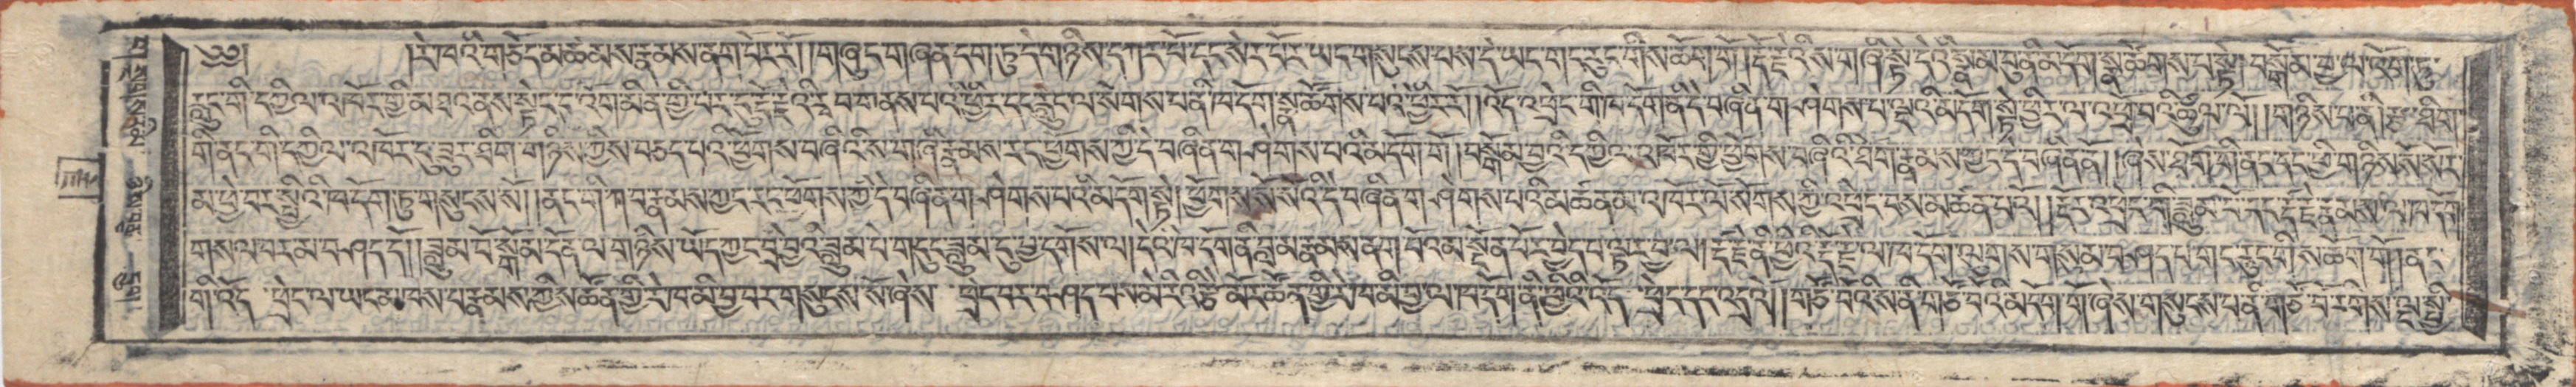༄༅། །རེ་ཁའི་གཅོད་མཚམས་རྣམས་ནག་པོར་རོ། །གཞུང་གཞན་དག་ཏུ་དེ་གཉིས་དཀར་པོ་དང་སེར་པོར་ཡང་གསུངས་པས་དེ་ཡང་གང་རུང་གིས་ཆོག་གོ །རྡོ་རྗེའི་ས་གཞི་སྟེ་དེའི་སྣམ་བུ་ནི་མདོག་སྣ་ཚོགས་པ་སྟེ། བསྒོམ་བྱ་ལ་འོག་ཏུ་
རླུང་གི་དཀྱིལ་འཁོར་གྱི་མཐའ་ནས་སྟེང་དུ་འོག་མིན་གྱི་བར་དུ་རྡོ་རྗེའི་རྭ་བ་གནས་པའི་ཕྱིར་དང་རླུང་ལ་སོགས་པ་ནི་ཁ་དོག་སྣ་ཚོགས་པའི་ཕྱིར་རོ། །འོད་འཕྲེང་གི་ཁ་དོག་ནི་དེ་བཞིན་གཤེགས་པ་ལྔའི་མདོག་སྟེ་ཕྱིར་ལ་འཕྲོ་བའི་ཚུལ་ལོ། །གཉིས་པ་ནི། རྩ་ཐིག་
གི་ནང་གི་དཀྱིལ་འཁོར་དུ་ཟུར་ཐིག་གཉིས་ཀྱིས་བཅད་པའི་ཕྱོགས་བཞིའི་ས་གཞི་རྣམས་རང་ཕྱོགས་ཀྱི་དེ་བཞིན་གཤེགས་པའི་མདོག་གོ །བསྒོམ་བྱའི་དཀྱིལ་འཁོར་གྱི་ཕྱོགས་བཞིའི་ཐོག་རྣམས་ཀྱང་དེ་བཞིན་ནོ། །ཞེས་ཐོག་གི་ནང་དང་ཕྱི་གཉིས་སོ་སོར་
མ་ཕྱེ་བར་སྤྱིའི་ཁ་དོག་ཏུ་གསུངས་སོ། །ནང་གི་ཀ་བ་རྣམས་ཀྱང་རང་ཕྱོགས་ཀྱི་དེ་བཞིན་གཤེགས་པའི་མདོག་སྟེ། ཕྱོགས་སོ་སོའི་དེ་བཞིན་གཤེགས་པའི་མཚན་མ་འཁོར་ལོ་སོགས་ཀྱི་འཕྲེང་བས་མཚན་པའོ། །རྡོར་འཕྲེང་གི་ཟླུམ་པོ་དང་རྡོ་རྗེ་རྣམས་ལ་ཁ་དོག་
གསལ་བར་མ་བཤད་དོ། །ཟླུམ་པོ་སྒོམ་དོན་ལ་གཉིས་ཡོད་ཀྱང་བྲི་བྱའི་ཟླུམ་པོ་གདུང་ཟླུམ་དུ་བྱ་དགོས་ལ། དེའི་ཁ་དོག་ནི་བླ་མ་རྣམས་ནག་པོའམ་སྔོན་པོར་བྱེད་པ་ལྟར་བྱ་ལ། རྡོ་རྗེ་ནི་ཕྱིའི་རྡོ་རྗེ་ལ་ཁ་དོག་ལུགས་གསུམ་བཤད་པ་གང་རུང་གིས་ཆོག་གོ །ནང་
གི་འོད་ཕྲེང་ལ་ཡང་མཁས་པ་རྣམས་ཀྱིས་ཚོན་གྱི་རེ་ཁ་མི་བྱ་བར་གསུངས་སོ་ཞེས་ཕྲེང་བར་བཤད་པས་མེ་རིའི་རྩེ་མོར་ཚོན་གྱི་རེ་ཁ་མི་བྱ་ལ་ཁ་དོག་ནི་ཕྱིའི་འོད་འཕྲེང་དང་འདྲའོ། །གཙོ་བོའི་ས་ནི་གཙོ་བོའི་མདོག་གོ་ཞེས་གསུངས་པ་ནི་གཙོ་བོ་རིགས་ལྔ་སྤྱི་